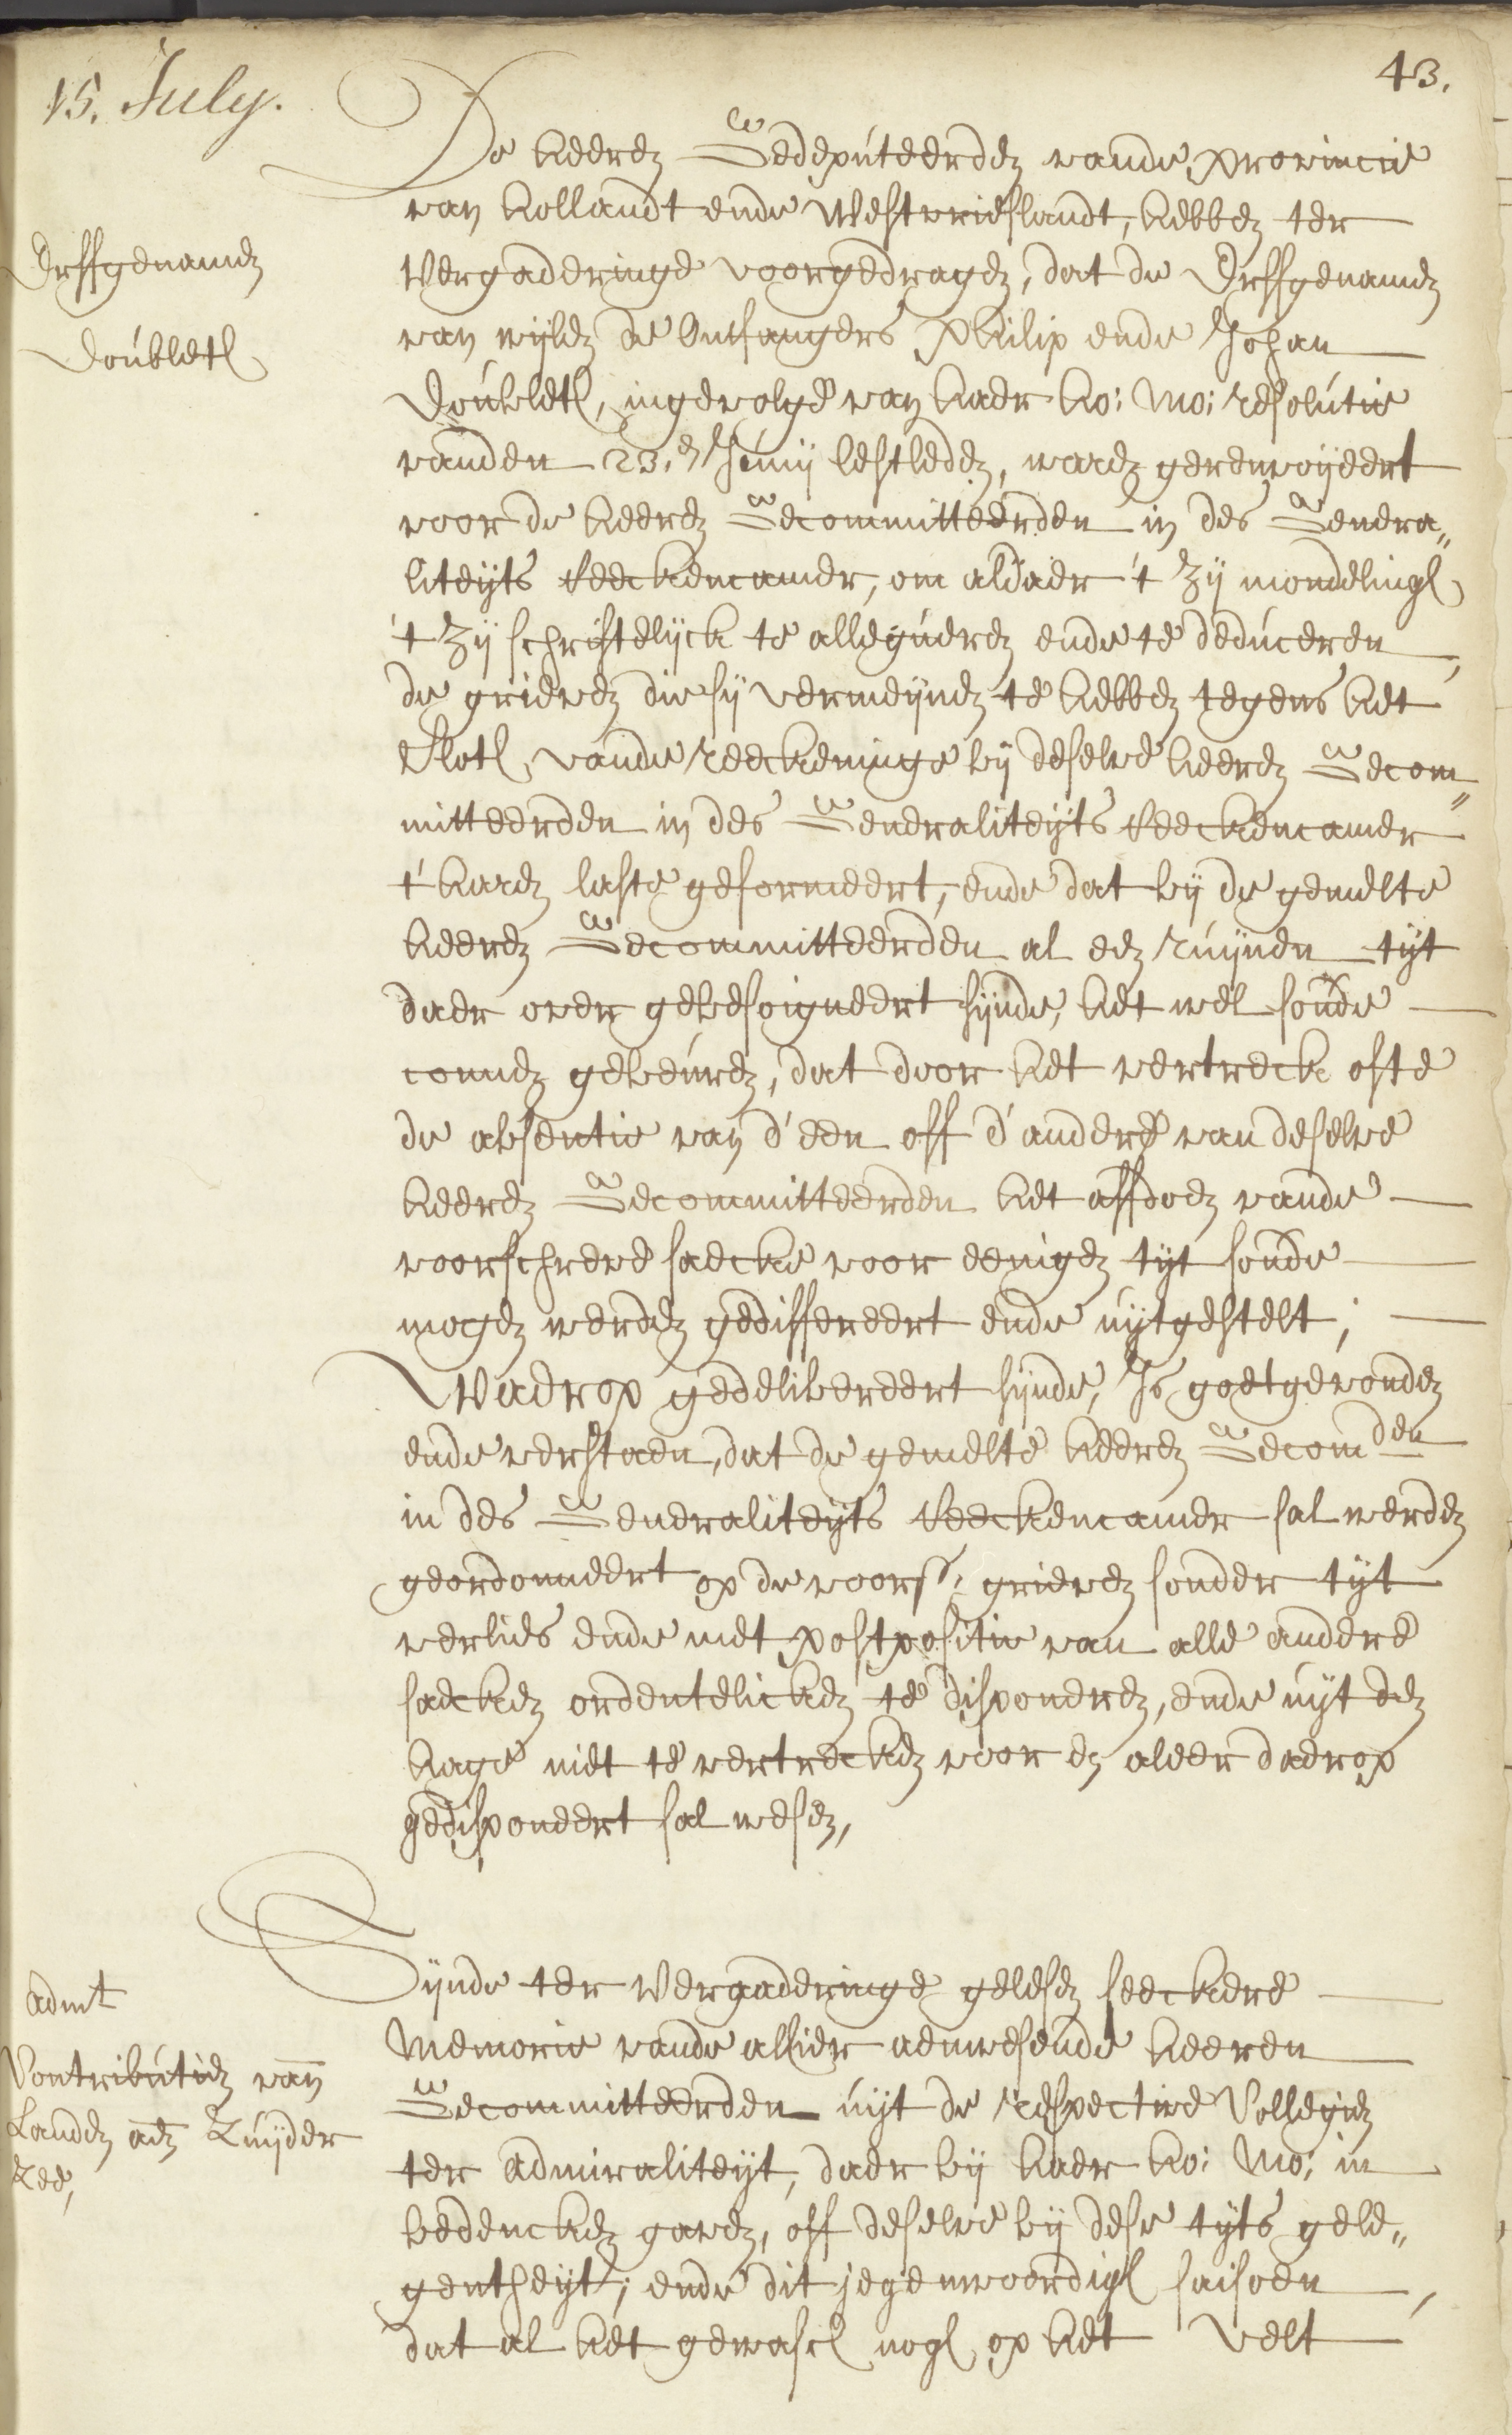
43.
15. July.
Erffgenamen
Doubleth
De heeren Gedeputeerden vande Provincie
van Hollandt ende Westvrieslandt, hebben ter
Vergaderinge voorgedragen, dat de Erffgenamen
van wijlen de Ontfangers Philip ende Johan
Doubleth, ingevolge van haer Ho:Mo: resolutie
vanden 23en. Junij lestleden, waren gerenvoijeert
voor de heeren Gecommitteerden in des Genera„
liteijts Reeckencamer, om aldaer 't zij mondelingh
‛t zij schriftelijck te allegueren ende te deduceren,
de grieven die sij vermeijnen te hebben tegens het
Sloth vande reeckeninge bij deselve heeren Gecom„
mitteerden in des Generaliteijts Reeckencamer
t‛ haren laste geformeert, ende dat bij de gemelte
heeren Gecommitteerden al een ruijnen tijt
daer over gebesoigneert sijnde, het wel soude
connen gebeuren, dat door het vertreck ofte
de absentie van d‛een off d'andere van deselve
heeren Gecommitteerden het affdoen vande
voorschreve saecke voor eenigen tijt soude
mogen werden gediffereert ende uijtgestelt,
Waerop gedelibereert sijnde, Is goetgevonden
ende verstaen, dat de gemelte heeren Gecomden
in des Generaliteijts Reeckencamer sal werden
geordonneert op de voors. grieven sonder tijt
verlies ende met postpositie van alle andere
saecken ordentelicken te disponeren, ende uijt den
hage niet te vertrecken voor de aleer daerop
gedispondert sal wesen,
Admt.
Contributien van
Landen aen Zuijder
Zee,
Sijnde ter Vergaderinge gelesen seeckere
memorie vande alhier aenwesende heeren
Gecommitteerden uijt de respective Collegien
ter Admiraliteijt, daer bij haer Ho:Mo: in
bedencken gaven, off deselve bij dese tijts gele„
gentheijt; ende dit jegenwoordigh saisoen
dat al het gewasch nogh op het velt
